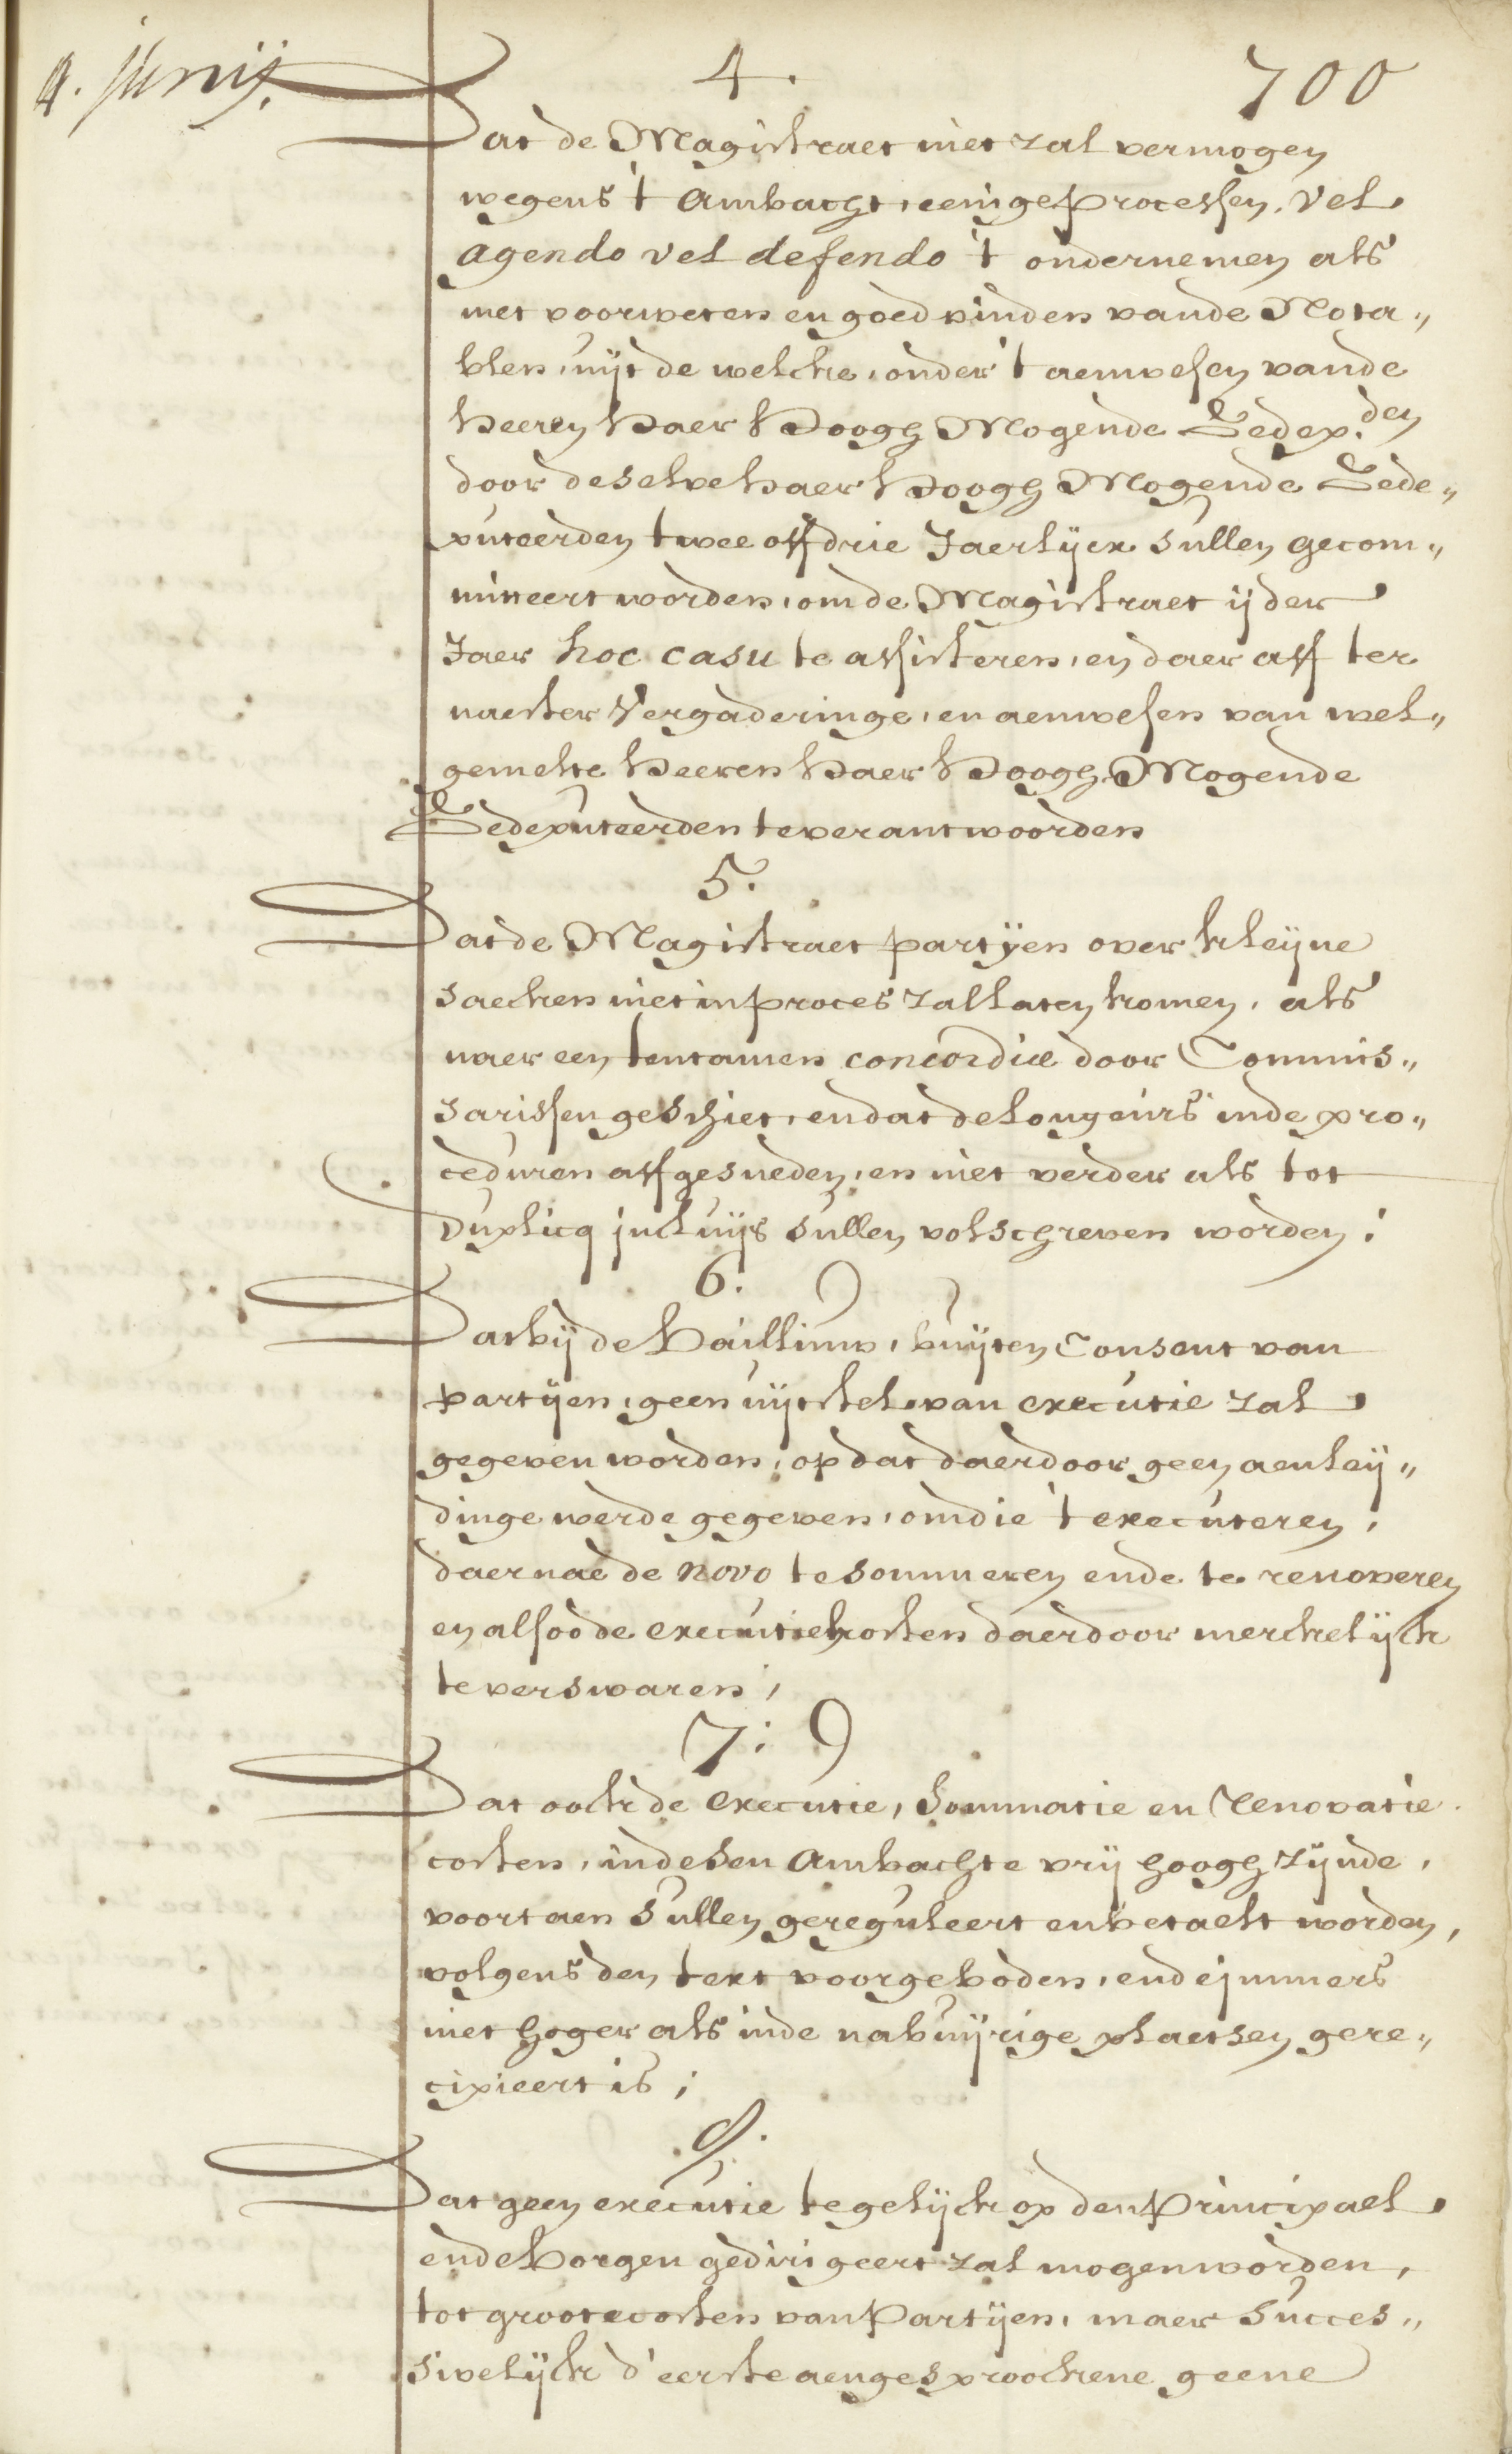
700
4. junij.
4.
Dat de Magistraet niet zal vermogen
wegens ‛t Ambacht, eenige processen vel
agendo vel defendo ‛t ondernemen als
met voorweten en goedvinden vande Nota„
blen uijt de welcke, onder ‛t aenwesen vande
Heeren Haer Hoogh Mogende Gedep.den.
door deselve haer Hoogh Mogende Gede„
teerden twee off drie Jaerlijcx sullen gecom„
mitteert worden, om de Magistraet ijder
Jaer hoc casu te assisteren, en daer aff ter
naester Vergaderinge, en aenwesen van wel„
gemelte Heeren Haer Hoogh Mogende
Gedeputeerden te verantwoorden.
5.
Dat de Magistraet partijen over kleijne
saecken niet in proces zal laten komen, als
naer een tentamen concordiæ door Commis„
sarissen geschiet, en dat de longeurs inde pro„
ceduren affgesneden, en niet verder als tot
duplicq incluijs sullen volschreven worden:
6.
Dat bij de Bailliuw, buijten consent van
partijen, geen uijtstel van executie zal
gegeven worden, op dat daerdoor geen aenleij„
dinge werde gegeven, omdie ‛t executeren,
daernae de novo te sommeren ende te renoveren
en alsoo de executiekosten daerdoor merckelijck
te verswaren,
7.
Dat oock de executie, Sommatie en renovatie
costen, in desen ambachte vrij hoogh zijnde,
voortaen sullen gereguleert en betaelt worden,
volgens den tert voorgeboden, ende immers
niet hoger als inde nabuijrige plaetsen gere„
cipieert is.
8.
Dat geen executie te gelijck op den Principael
ende Borgen gedirigeert zal mogen worden,
tot groote costen van Partijen, maer succes„
sivelijck d‛ eerste aengesproockene geene
